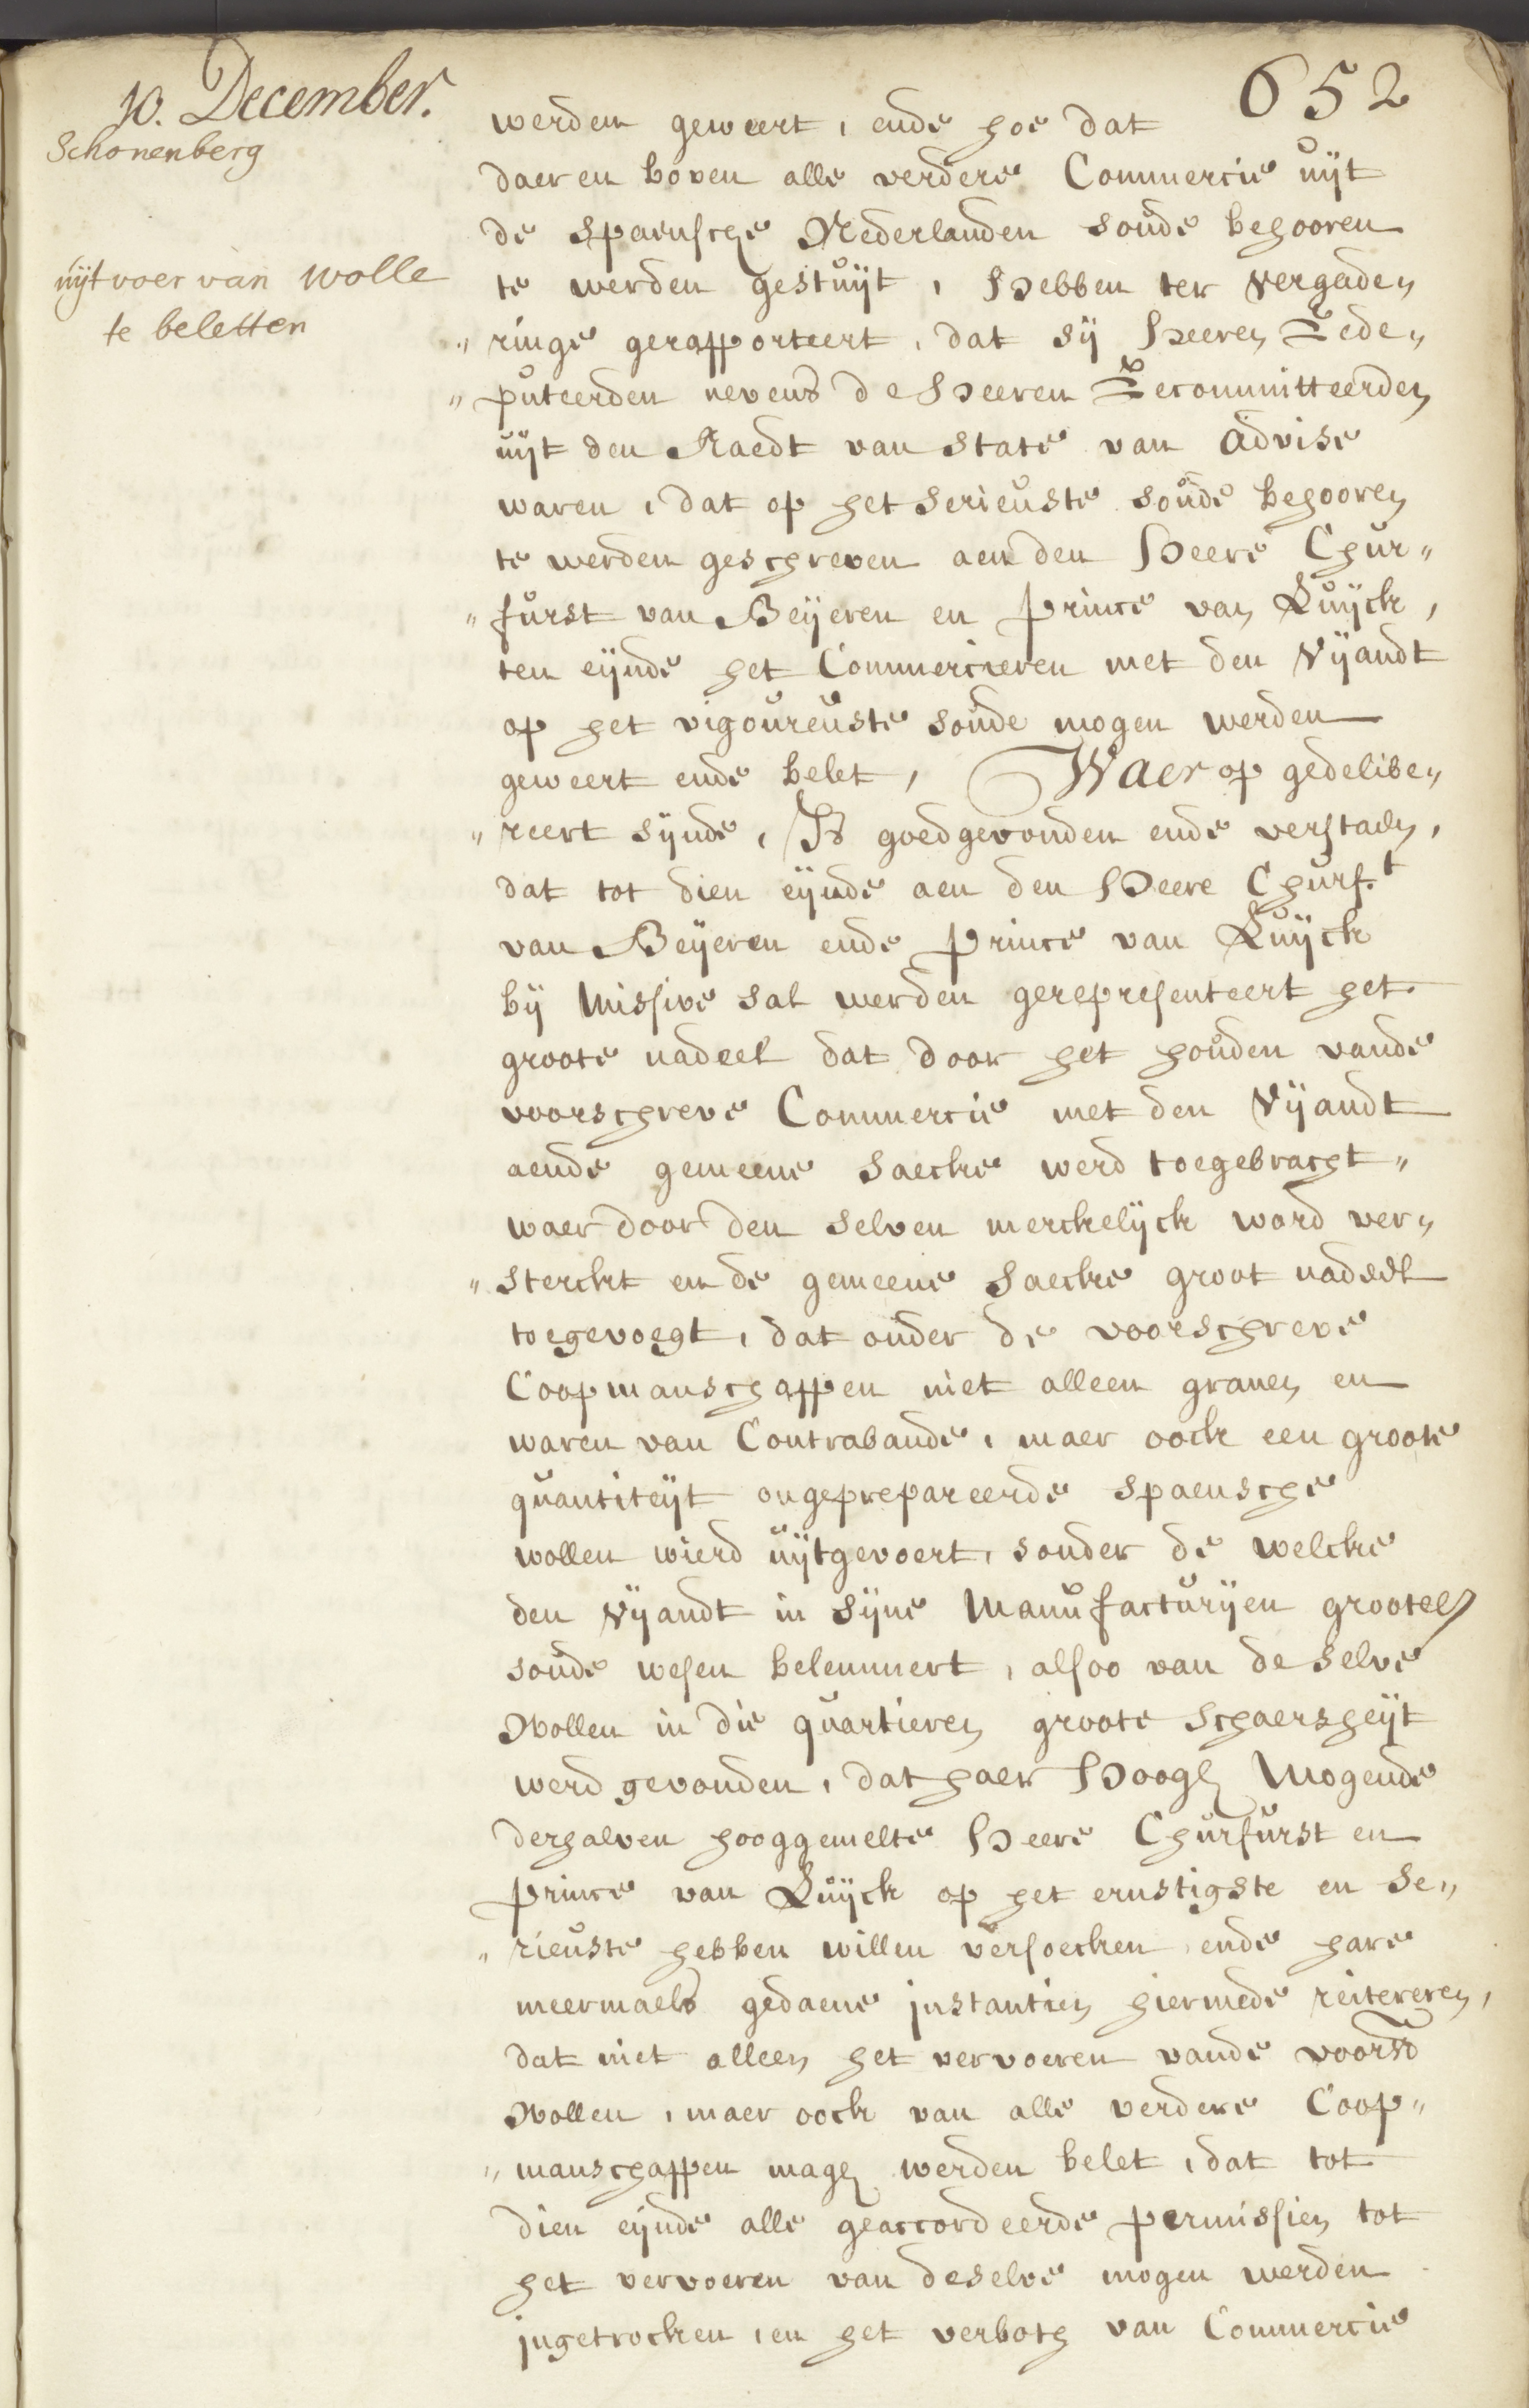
652
10. December.
Schonenberg
uijtvoer van wolle
te beletten
werden geweert, ende hoe dat
daer en boven alle verdere Commercie uijt
de spaensche Nederlanden soude behooren
te werden gestuijt, Hebben ter vergade„
„ringe gerapporteert, dat sij Heeren Gede„
„puteerden nevens de Heeren Gecommitteerden
uijt den Raedt van State van advise
waren, dat op het serieuste soude behooren
te werden geschreven aen den Heere Chur„
„furst van Beijeren en Prince van Luijck,
ten eijnde het commercieren met den Vijandt
op het vigoureuste soude mogen werden
geweert ende belet, Waerop gedelibe„
„reert sijnde, Is goedgevonden ende verstaen,
dat tot dien eijnde aen den Heere Churft.
van Beijeren ende Prince van Luijck
bij Missive sal werden gepresenteert het
groote nadeel dat door het houden vande
voorschreve Commercie met den Vijandt
aende gemeene saecke werd toegebracht„
waer door den selven merckelijck word ver„
„sterckt ende gemeene saecke groot nadeel
toegevoegt, dat onder de voorschreve
Coopmanschappen niet alleen granen en
waren van Contrabande, maer oock een groote
quantiteijt ongeprepareerde spaensche
wollen wierd uijtgevoert, sonder de welcke
den vijandt in sijne manufacturijen grootel
soude wesen belemmert, alsoo van deselve
Wollen in die quartieren groote schaersheijt
werd gevonden, dat haer Hoogh Mogende
derhalven hooggemelte Heere Churfurst en
Prince van Luijck op het ernstigste en se„
„rieuste hebben willen versoecken, ende hare
meermaels gedaene instantien hiermede reitereren,
dat niet alleen het vervoeren vande voors
Wollen, maer oock van alle verdere Coop„
„manschappen magh werden belet, dat tot
dien eijnde alle geaccordeerde permissien tot
het vervoeren van deselve mogen werden
ingetrocken, en het verboth van Commercie
